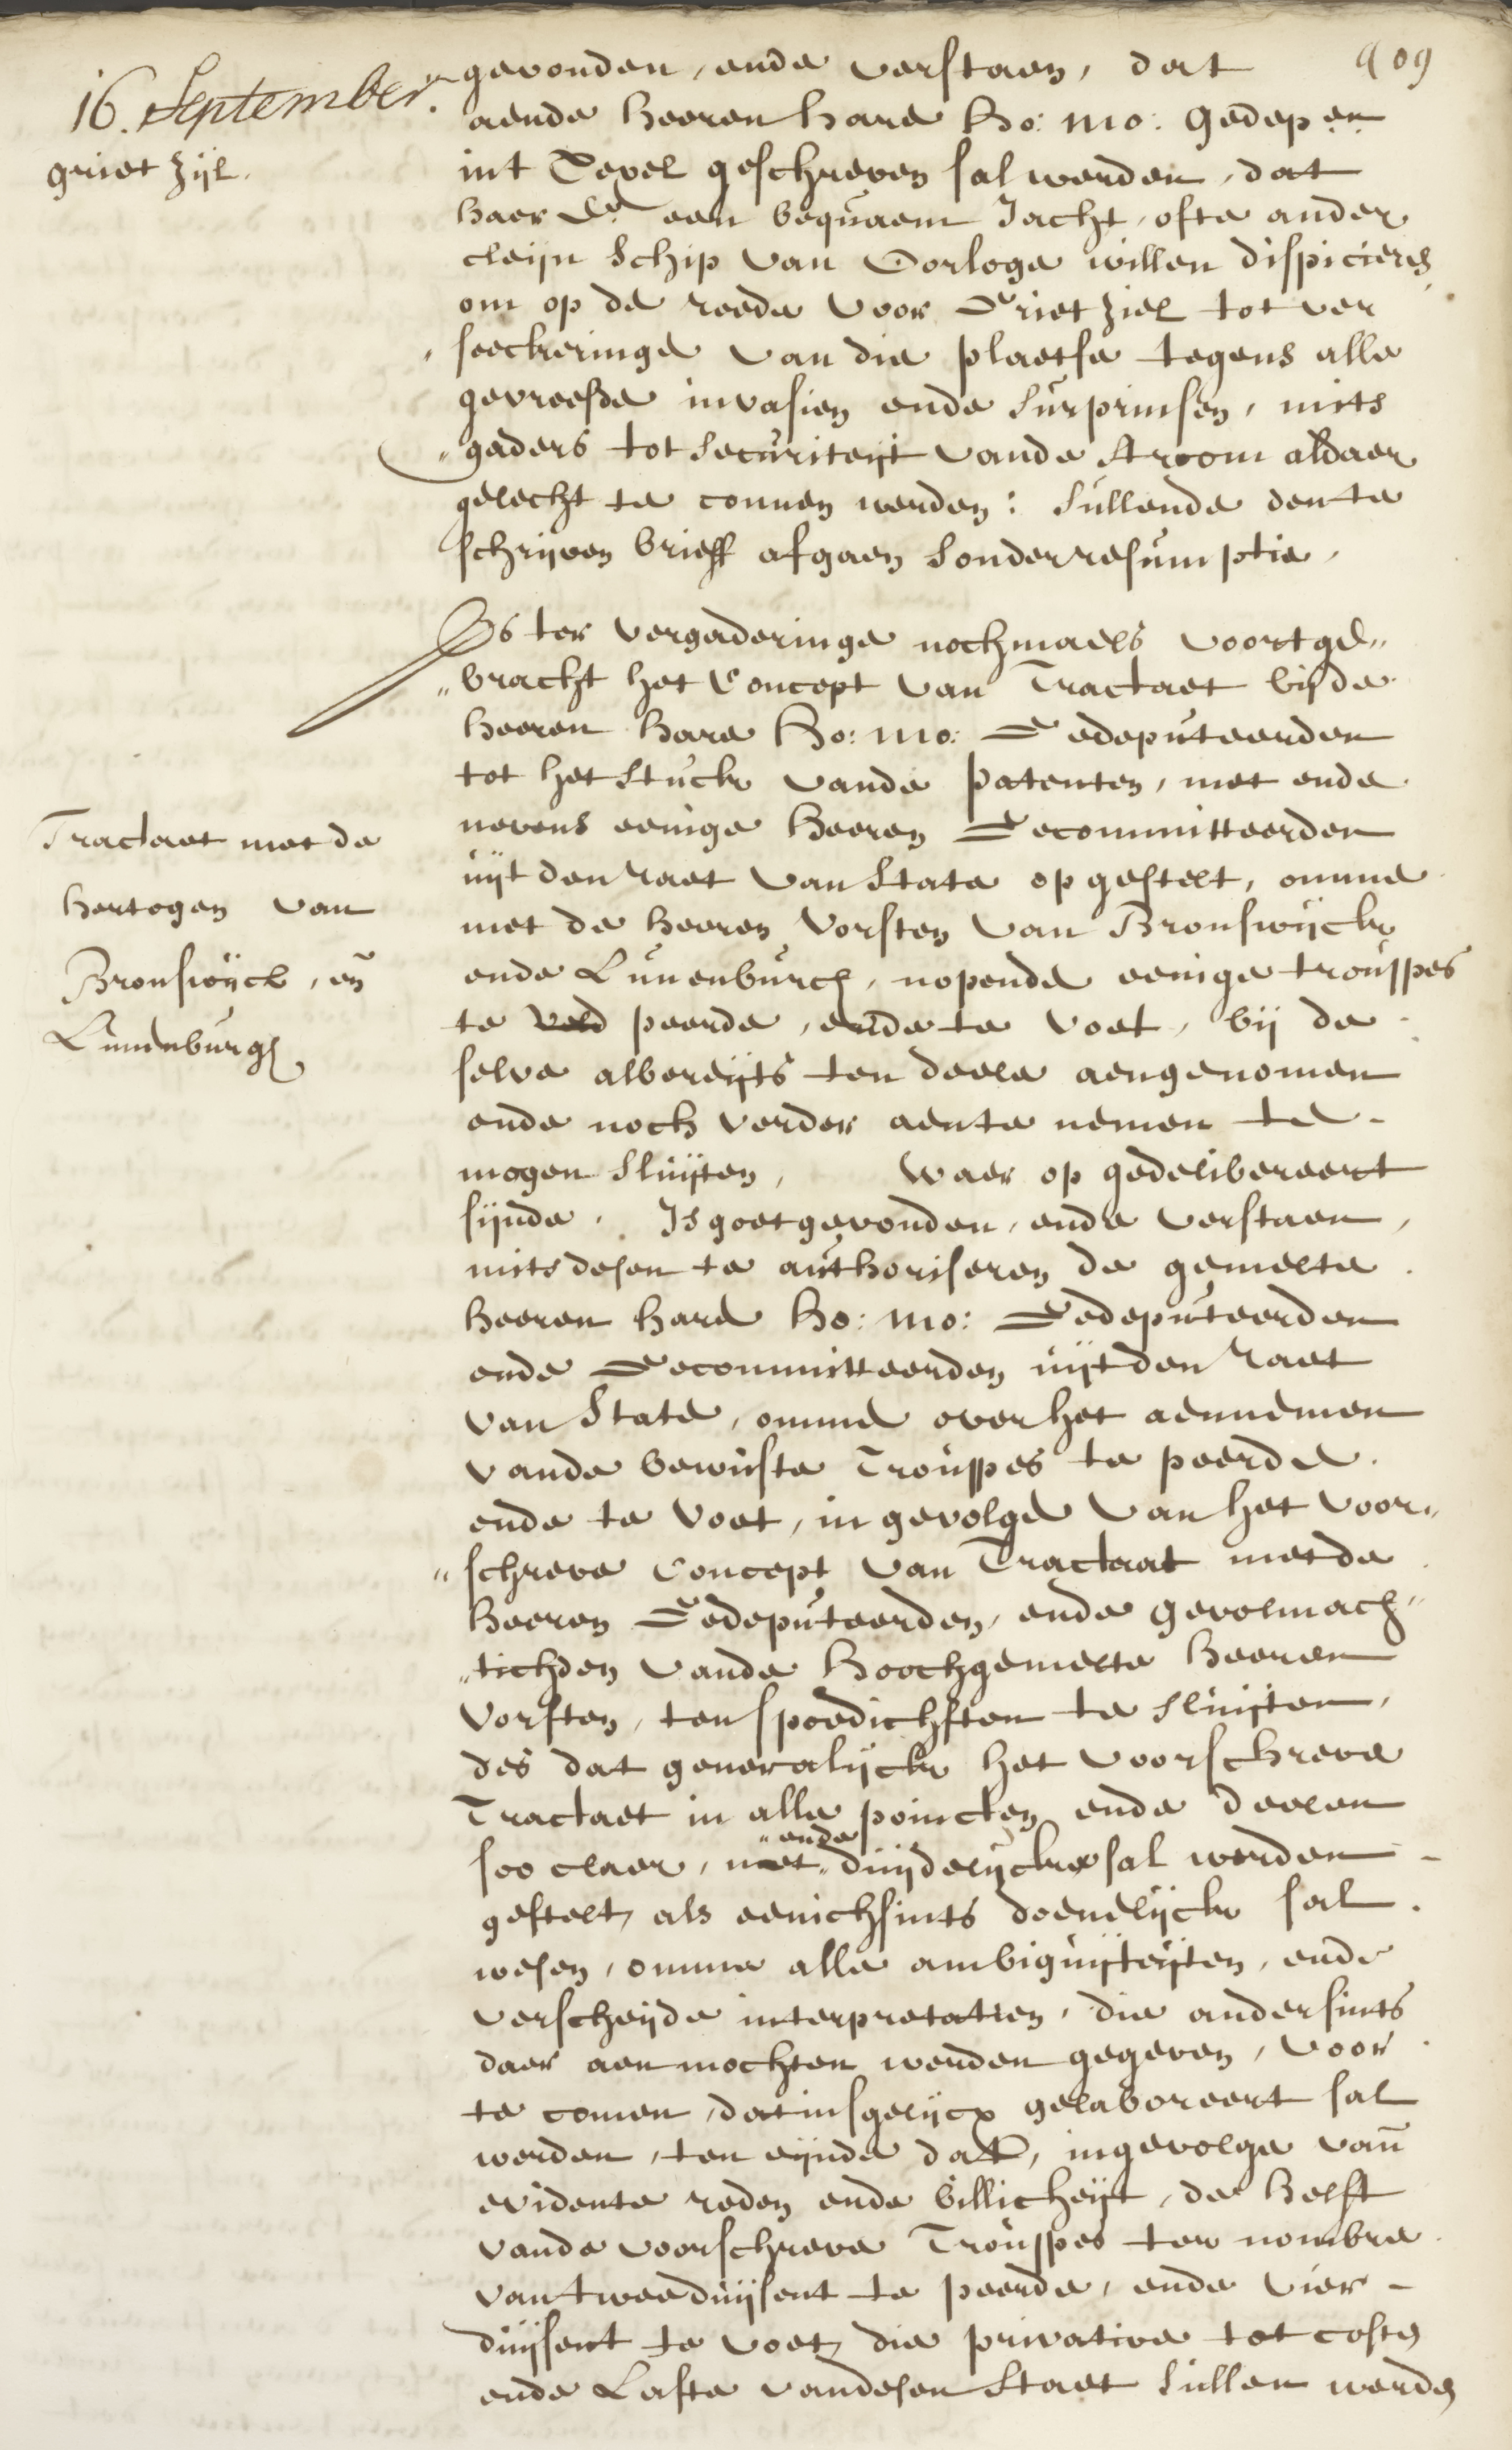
409
16. September.
griet zijl
gevonden, ende verstaen, dat
aende heeren hare Ho:Mo: Gedepden
int Texel geschreven sal werden, dat
haer E. een bequaem Jacht, ofte ander
cleijn schip van Oorloge willen dispicieren
om op de reede voor Grietziel tot ver„
seeckeringe van die plaetse tegens alle
gevreesde invasien ende surprinsen, mits
gaders tot securiteijt vande stroom aldaer
gelecht te connen werden: sullende den te
schrijven brieff afgaen sonder resumptie.
Traclaet met de
Hertogen van
Bronswijck, en
Lunenburgh
Is ter vergaderinge nochmaels voortge,,
,,bracht het Concept van Tractaet bij de
heeren hare Ho:Mo: Gedeputeerden
tot het stuck vande patenten, met ende
nevens eenige Heeren Gecommitteerden
uijt den raet van State op gestelt, omme
met de heeren vorsten van Bronswijck
ende Lunenburch, nopende eenige trouppes
te veld peerde, ende te voet, bij de
selve albereijts ten deele aengenomen
ende noch verder aente nemen te
mogen sluijten. Waer op gedelibereert
sijnde, Is goetgevonden, ende verstaen
mits desen te authoriseren de gemelte
heeren hare Ho:Mo: Gedeputeerden
ende Gecommitteerden uijt den raet
van State, omme over het aennemen
vande bewuste Trouppes te peerde
ende te voet, in gevolge van het voor„
,,schreve Concept van Tractaat met de
heeren Gedeputeerden, ende gevolmach,,
„tichden vande Hoochgemelte Heeren
vorsten, ten spoedichsten te sluijten,
des dat generalijck het voorschreve
Tractaet in alle poincten ende deelen
soo claer, net,, ''ende duijdelijcke sal worden
gestelt, als eenichsints doenelijck sal
wesen, omme alle ambiguijteijten, ende
verscheijde interpretatien, die andersints
daer aen mochten werden gegeven, voor
te comen, dat insgelijcx gelaboreert sal
werden, ten eijnde dat, ingevolge van
evidente reden ende billicheijt, de helft
vande voorschreve Trouppes ter nombre
van tweeduijsent te peerde, ende vier -
duijsent te voet, die privative tot costen
ende Laste vandesen Staet sullen werden
